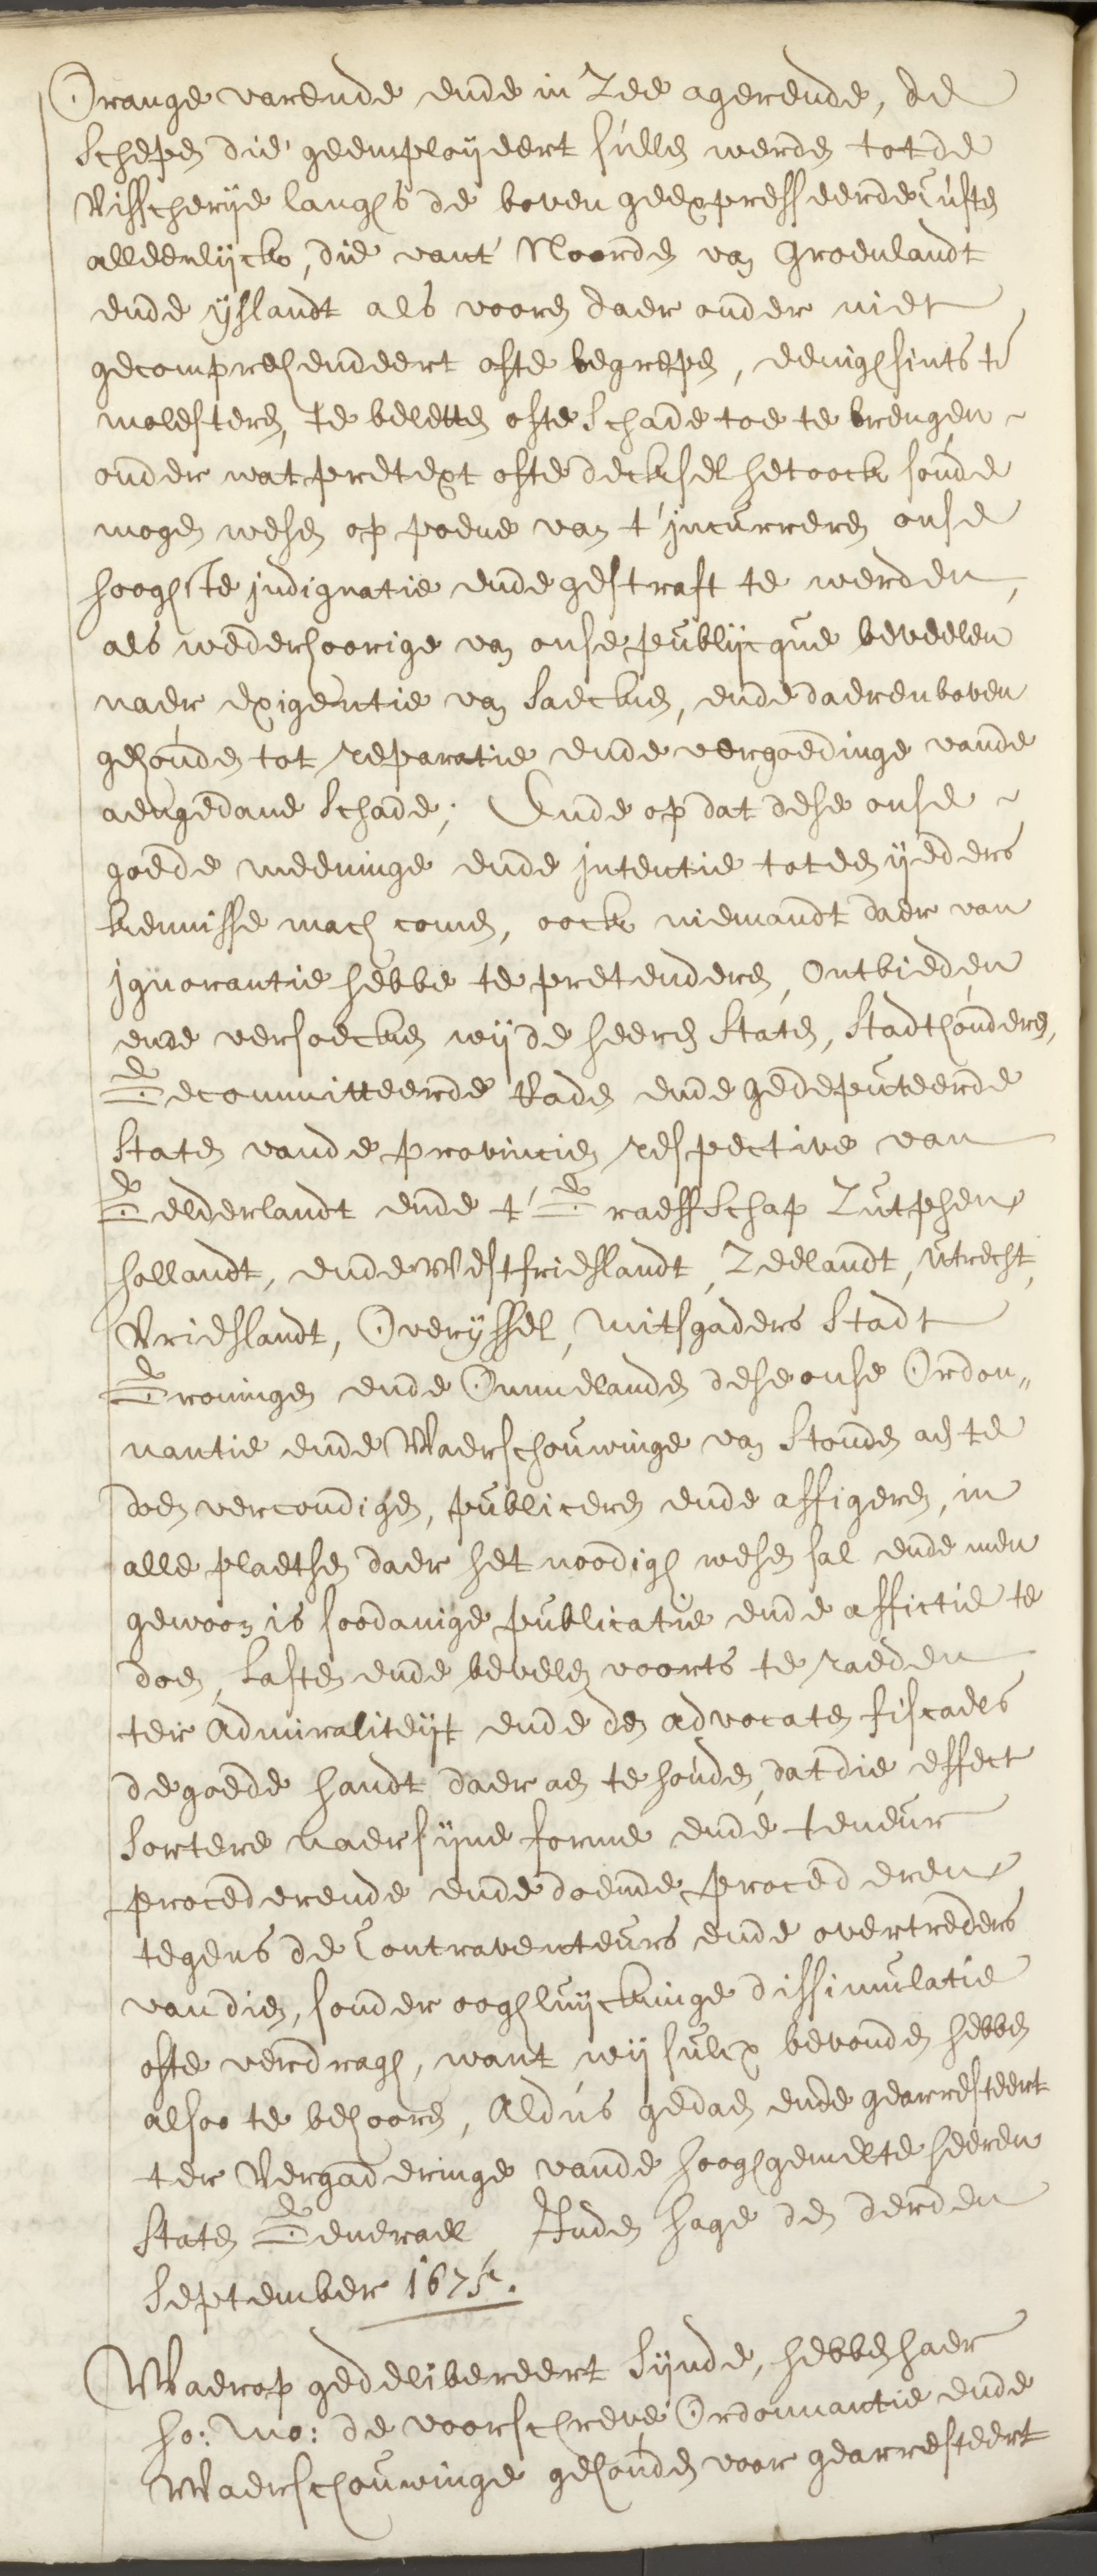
Orange varende ende in Zee agerende, de
schepen die geemploijeert sullen werden tot de
Visscherije langhs de boven geexpresseerde Custen
alleenlijck, die vant' Noorden van Groenlandt
ende IJslandt als vooren daer onder niet
gecomprehendeert ofte begrepen, eenighsints te
molesteren, te beletten ofte schade toe te brengen
onder wat pretext ofte decksel het oock soude
mogen wesen op poene van t' incurreren onse
hooghste indignatie ende gestraft te werden,
als wederhoorige van onse publijcque beveelen
naer exigentie van saecken, ende daerenboven
gehouden tot reparatie ende vergoedinge vande
aengedane schade; Ende op dat dese onse
goede meeninge ende intentie tot een ijeders
kennisse mach comen, oock niemandt daer van
Ignorantie hebbe te pretenderen, ontbieden
ende versoecken wij de heeren Staten, Stadthouderen,
Gecommitteerde Raden ende gedeputeerde
Staten vande provincien respective van
Gelderlandt ende t' Graeffschap Zutphen,
hollandt, ende Westfrieslandt, Zeelandt, Utrecht,
Vrieslandt, Overijssel, mitsgaders Stadt
Groningen ende Ommelanden dese onse Ordon„
nantie ende Waerschouwinge van stonden aen te
doen vercondigen, publiceren ende affigeren, in
alle plaetsen daer het noodigh wesen sal ende men
gewoon is soodanige publicatie ende affictie te
doen, lasten ende bevelen voorts te raeden
ter Admiraliteijt ende den advocaten fiscaels
de goede handt daer aen te houden, dat die effect
sortere naer sijne forme ende teneur
procederende ende doende procederen
tegens de Contraventeurs ende overtreders
vandien, sonder ooghluijckinge dissimulatie
ofte verdragh, want wij sulcx bevonden hebben
alsoo te behooren. Aldus gedaen ende gearresteert
ter Vergaderinge vande Hooghgemelte heeren
Staten Generael Inden Hage den derden
September 1675.
Waerop gedelibereert sijnde, hebben haer
ho:Mo: de voorschreve Ordonnantie ende
Waerschouwinge gehouden voor gearresteert
